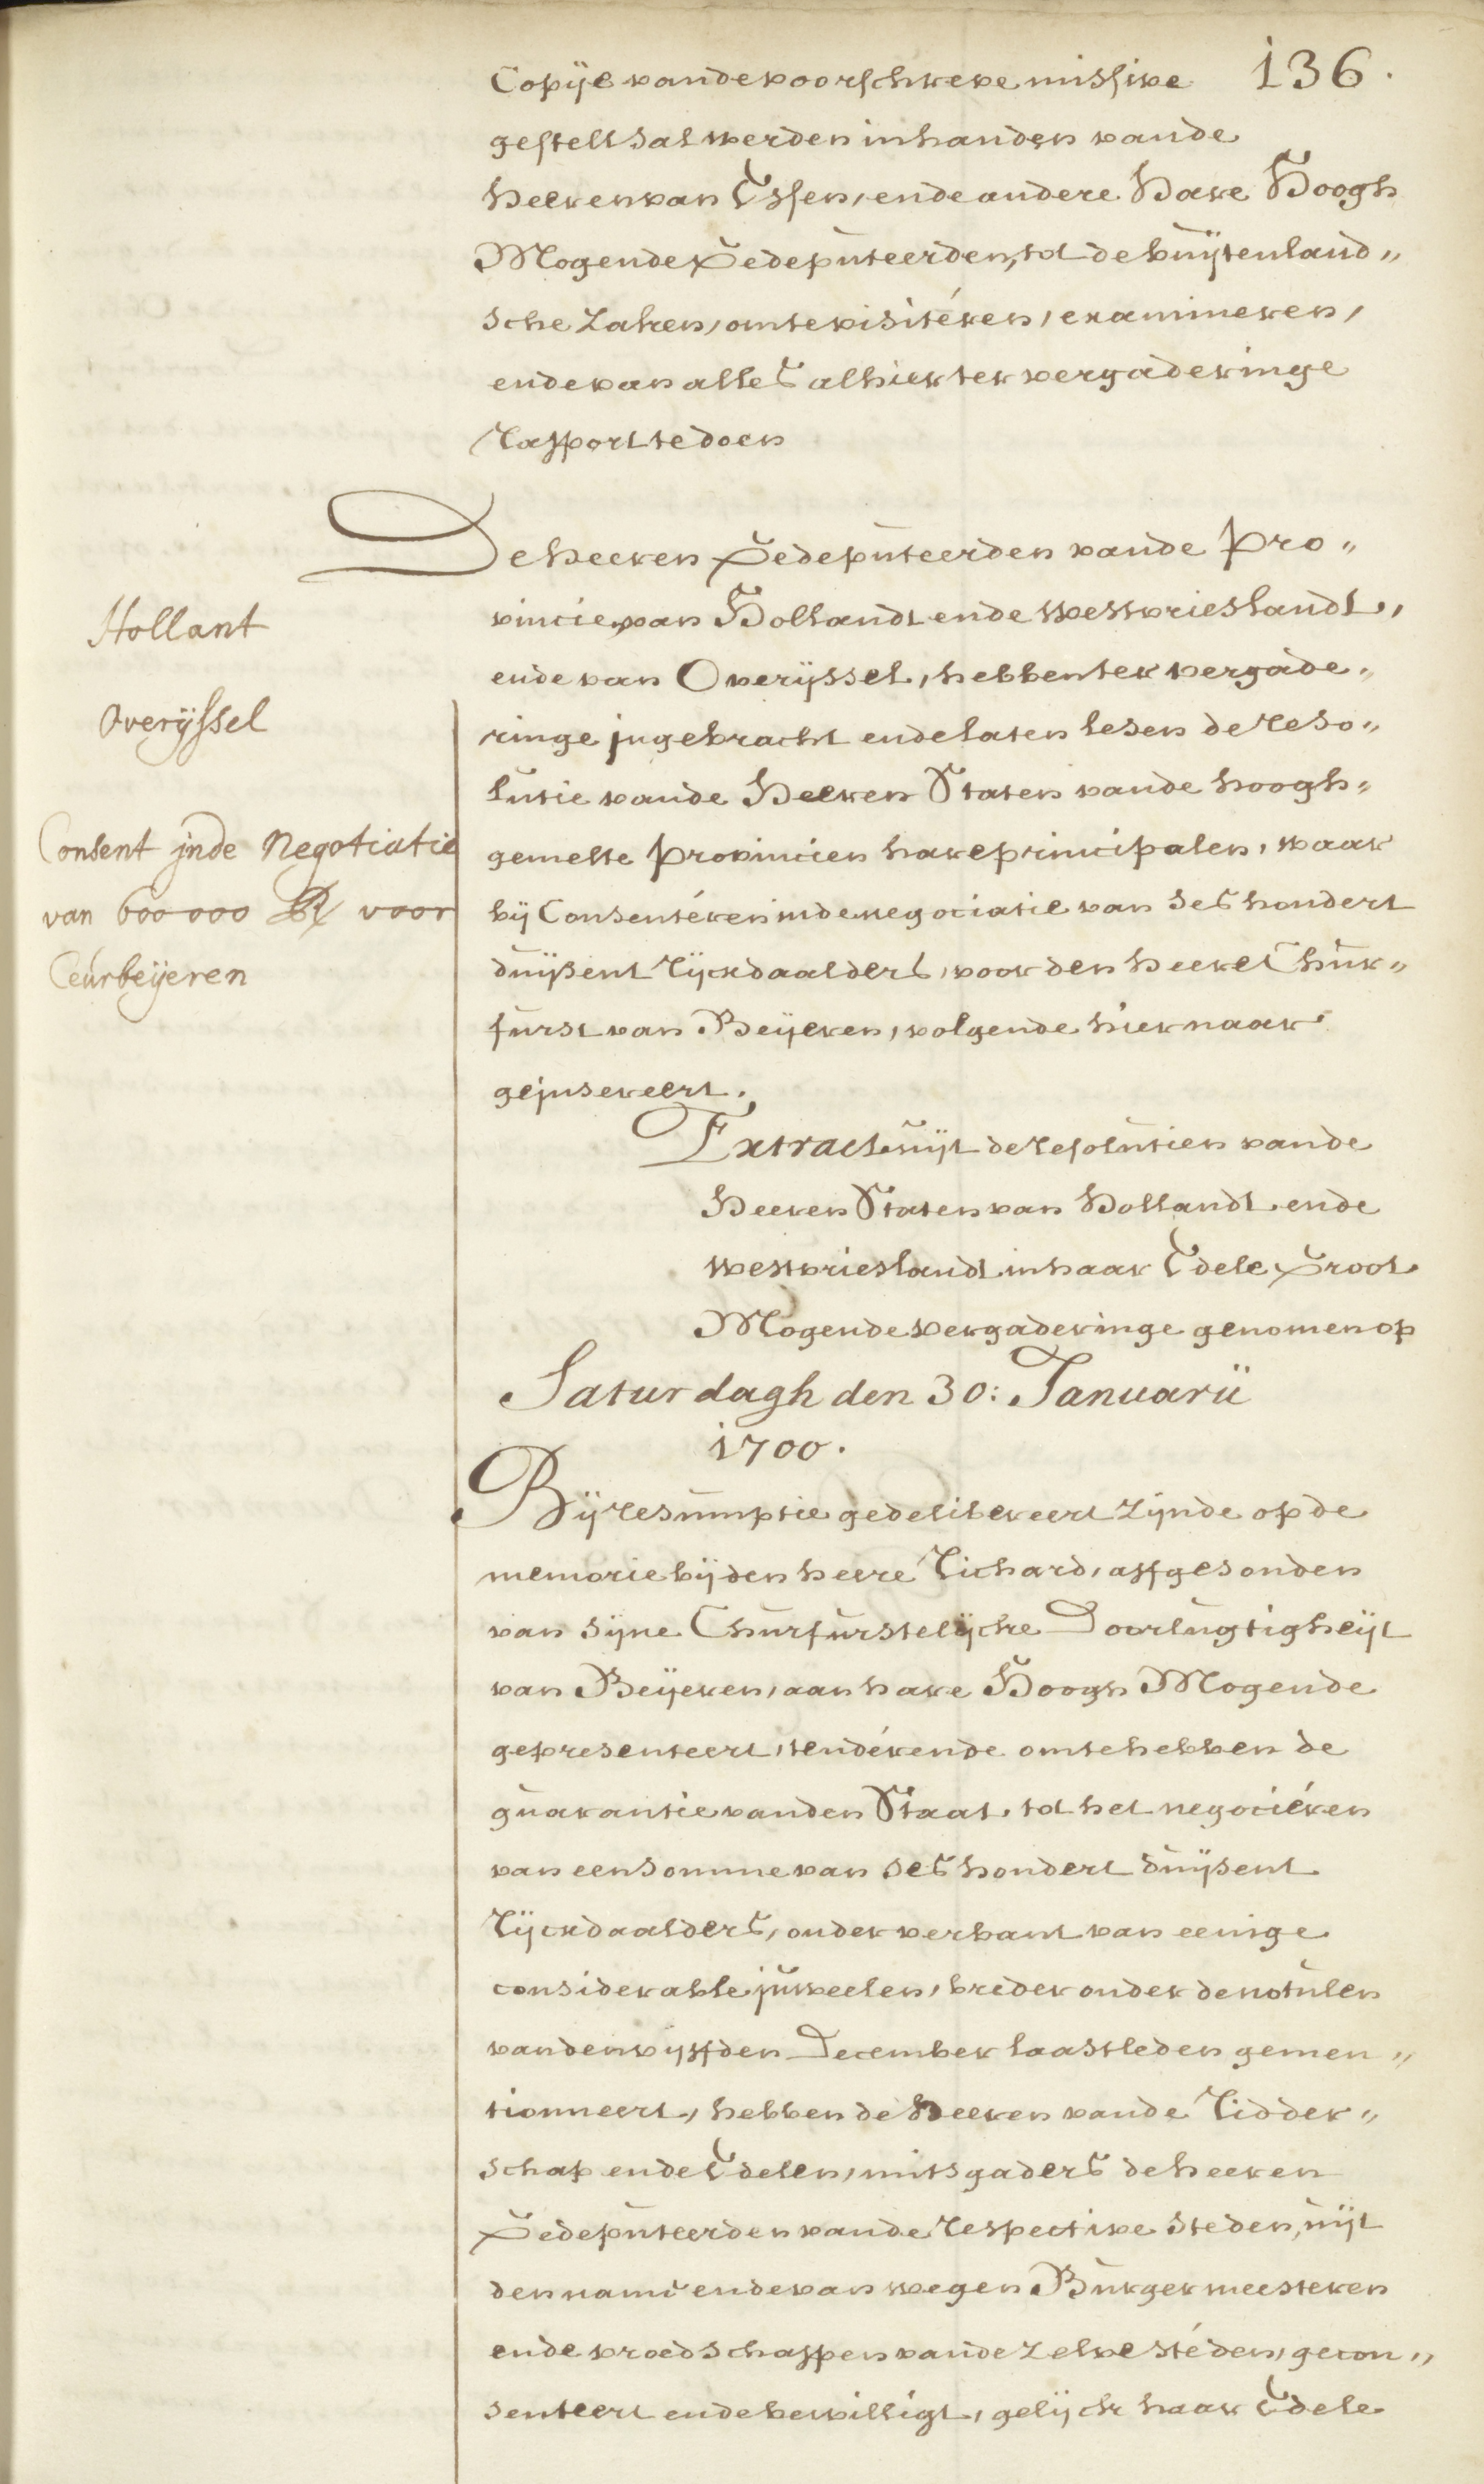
136.
Copije vande voorschreve missive
gestelt sal werden in handen vande
heeren van Essen, ende andere hare Hoogh
Mogende Gedeputeerden, tot de buijtenland,
sche zaken, om te visiteren, examineren,
ende van alles alhier ter vergaderinge
rapport te doen
Hollant
Overijssel
Consent inde negotiatie
van 600000 R voor
Ceurbeijeren
De heeren Gedeputeerden vande pro„
vincie van Hollandt ende Westvrieslandt,
ende van Overijssel, hebben ter vergade„
ringe ingebracht ende laten lesen de reso„
lutie vande Heeren Staten vande Hoogh„,
gemelte provincien hare principalen, waar
bij consenteren inde negociatie van ses hondert
duijsent rijcxdaalders, voor den Heere Chur„
furst van Beijeren, volgende hier naar
geinsereert.
Extract uijt de resolutien vande
Heeren Staten van Hollandt ende
westvrieslandt in haar Edele Groot
Mogende vergaderinge genomen op
Saturdagh den 30: Januarii
1700.
Bij resumptie gedelibereert zijnde op de
memorie bij den heere Richard, affgesonden
van Sijne Churfurstellijcke Doorligtigheijt
van Beijeren, aan hare Hoogh Mogende
gepresenteert, tenderende om te hebben de
guarantie vanden Staat, tot het negocieren
van een somme van ses hondert duijsent
Rijcxdaalders, onder verbant van eenige
considerable juweelen, breder onder de notulen
vanden vijffden December laastleden gemen„
tionneert, hebben de heeren vande Ridder„
schap ende Edelen, mitsgaders de heeren
Gedeputeerden vande respective steden uijt
den name ende van wegen Burgermeesteren
ende vroedschappen vande zelve steden, gecon„
senteert ende bewilligt, gelijck haar Edele
